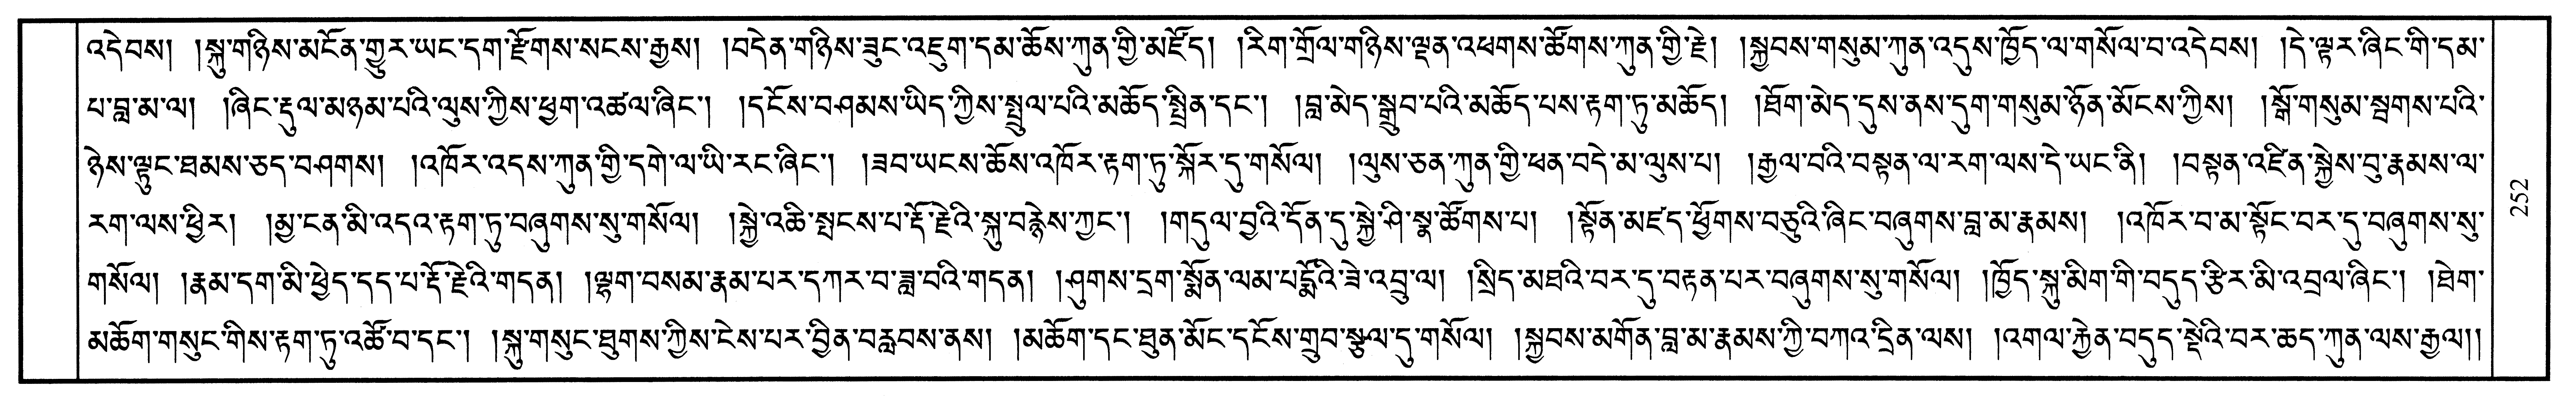འདེབས། །སྐུ་གཉིས་མངོན་གྱུར་ཡང་དག་རྫོགས་སངས་རྒྱས། །བདེན་གཉིས་ཟུང་འཇུག་དམ་ཆོས་ཀུན་གྱི་མཛོད། །རིག་གྲོལ་གཉིས་ལྡན་འཕགས་ཚོགས་ཀུན་གྱི་རྗེ། །སྐྱབས་གསུམ་ཀུན་འདུས་ཁྱོད་ལ་གསོལ་བ་འདེབས། །དེ་ལྟར་ཞིང་གི་དམ་
པ་བླ་མ་ལ། །ཞིང་རྡུལ་མཉམ་པའི་ལུས་ཀྱིས་ཕྱག་འཚལ་ཞིང་། །དངོས་བཤམས་ཡིད་ཀྱིས་སྤྲུལ་པའི་མཆོད་སྤྲིན་དང་། །བླ་མེད་སྒྲུབ་པའི་མཆོད་པས་རྟག་ཏུ་མཆོད། །ཐོག་མེད་དུས་ནས་དུག་གསུམ་ཉོན་མོངས་ཀྱིས། །སྒོ་གསུམ་སྦགས་པའི་
ཉེས་ལྟུང་ཐམས་ཅད་བཤགས། །འཁོར་འདས་ཀུན་གྱི་དགེ་ལ་ཡི་རང་ཞིང་། །ཟབ་ཡངས་ཆོས་འཁོར་རྟག་ཏུ་སྐོར་དུ་གསོལ། །ལུས་ཅན་ཀུན་གྱི་ཕན་བདེ་མ་ལུས་པ། །རྒྱལ་བའི་བསྟན་ལ་རག་ལས་དེ་ཡང་ནི། །བསྟན་འཛིན་སྐྱེས་བུ་རྣམས་ལ་
རག་ལས་ཕྱིར། །མྱ་ངན་མི་འདའ་རྟག་ཏུ་བཞུགས་སུ་གསོལ། །སྐྱེ་འཆི་སྤངས་པ་རྡོ་རྗེའི་སྐུ་བརྙེས་ཀྱང་། །གདུལ་བྱའི་དོན་དུ་སྐྱེ་ཤི་སྣ་ཚོགས་པ། །སྟོན་མཛད་ཕྱོགས་བཅུའི་ཞིང་བཞུགས་བླ་མ་རྣམས། །འཁོར་བ་མ་སྟོང་བར་དུ་བཞུགས་སུ་
གསོལ། །རྣམ་དག་མི་ཕྱེད་དད་པ་རྡོ་རྗེའི་གདན། །ལྷག་བསམ་རྣམ་པར་དཀའ་བ་ཟླ་བའི་གདན། །ཤུགས་དྲག་སྨོན་ལམ་པདམའི་ཟེ་འབུ་ལ། །སྲིད་མཐའི་བར་དུ་བརྟན་པར་བཞུགས་སུ་གསོལ། །ཁྱོད་སྐུ་མིག་གི་བདུད་རྩིར་མི་འབྲལ་ཞིང་། །ཐེག་
མཆོག་གསུང་གིས་རྟག་ཏུ་འཆི་བ་དང་། །སྐུ་གསུང་ཐུགས་ཀྱིས་ངེས་པར་བྱིན་བརླབས་ནས། །མཆོག་དང་ཐུན་མོང་དངོས་གྲུབ་སྩལ་དུ་གསོལ། །སྐྱབས་མགོན་བླ་མ་རྣམས་ཀྱི་བཀའ་དྲིན་ལས། །འགལ་རྐྱེན་བདུད་སྡེའི་བར་ཆད་ཀུན་ལས་རྒྱལ། །